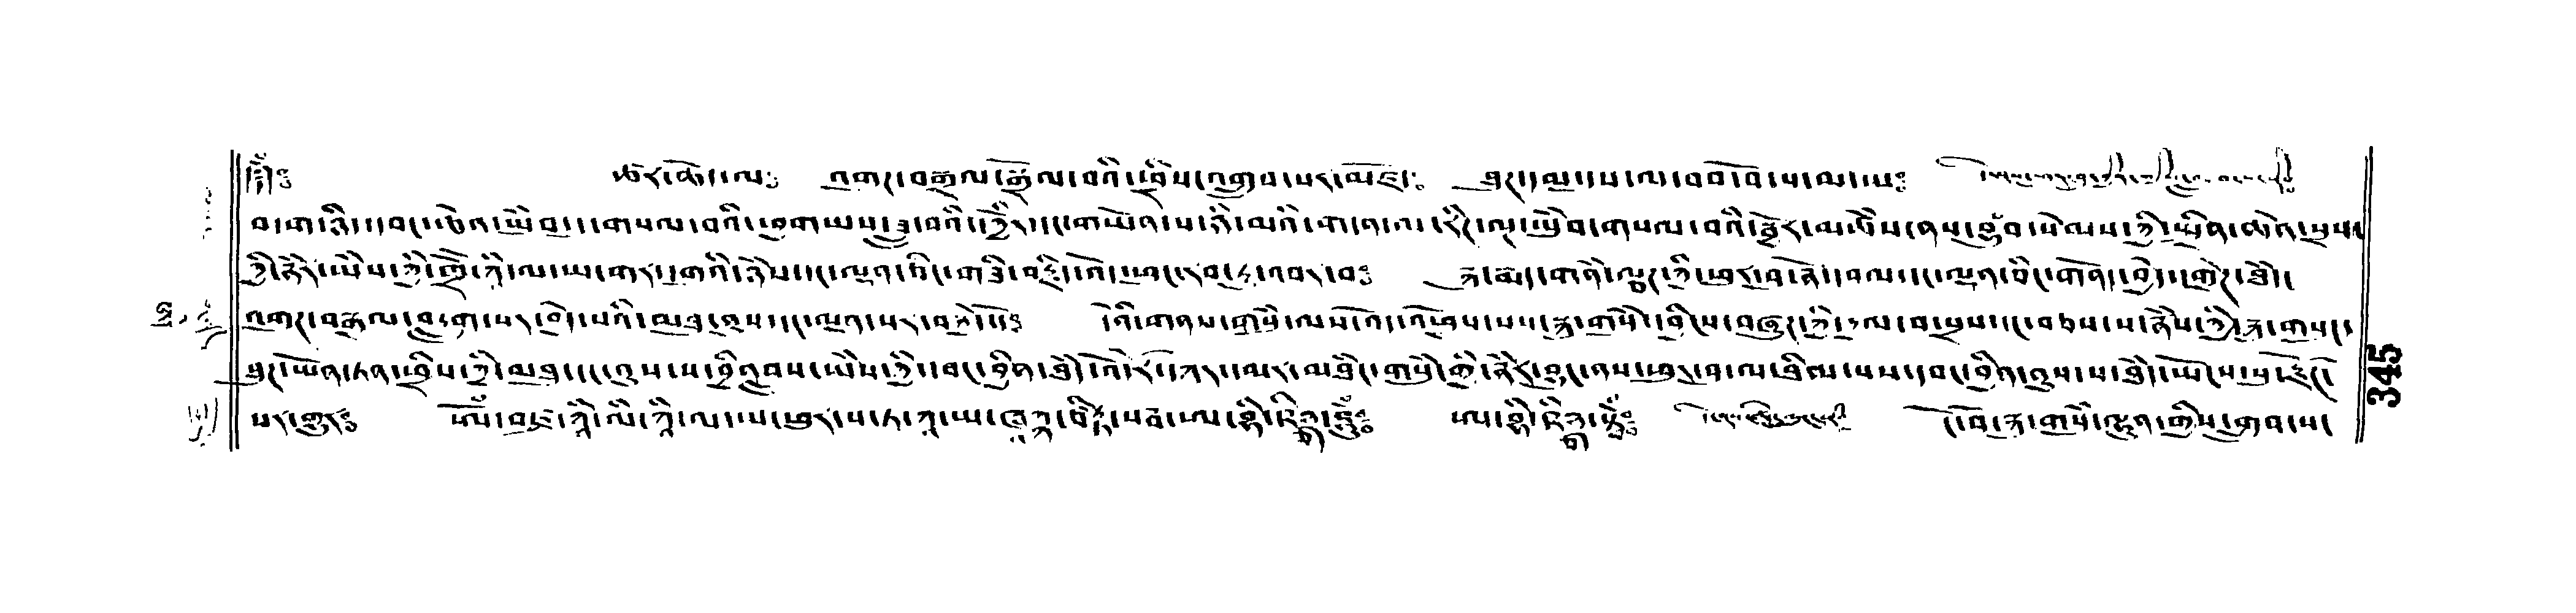ཚར་ཆོད་ལ༔ འགུགས་བསྒྲལ་སྒྲོལ་བའི་ཕྲིན་ལས་འགྲུབ་པར་མཛོད༔ ཐུགས་དམ་དུས་ལ་བབ་བོ་ས་མ་ཡ༔ དེ་ནས་ཕུར་བུ་བྱིན་གྱིས་བརླབ་པ་ནི༔ 
བདག་ཉིད་དབང་ཆེན་ཡབ་ཡུམ་དུ་གསལ་བའི་ཕྱག་གཡས་ཟླ་བའི་དཀྱིལ་འཁོར་དང་གཡོན་པ་ཉི་མའི་གདན་ལ་རིགས་ལྔ་ཡབ་ཡུམ་གསལ་བའི་སྦྱོར་མཚམས་ནས་བྱང་ཆུབ་སེམས་ཀྱི་སྤྲིན་ཆེན་སྲས་
ཀྱི་རྣམ་པར་ཡེ་ཤེས་ཀྱི་ཁྲོ་བོ་ཀཱི་ལ་ཡ་གར་དགུའི་ཉམས་དང་ལྡན་ཅིང་གཟི་བརྗིད་འོད་ཕུང་རབ་ཏུ་འབར་བ༔ སྐུ་སྨད་གནམ་ལྕགས་ཀྱི་ཕུར་བུ་རྣོ་དབལ་དང་ལྡན་ཅིང་གནོད་བྱེད་དགྲ་བགེགས་ཐམས་ཅད་
འགུགས་བསྒྲལ་བརླག་པར་བྱེད་པའི་མཐུ་ནུས་དང་ལྡན་པར་བསྐྱེད་དོ༔ དེའི་གནས་གསུམ་ལས་འོད་འཕྲོས་པས་སྐུ་གསུམ་དབྱིངས་བཞུགས་ཀྱི་རྒྱལ་བ་སྲས་དང་བཅས་པ་རྣམས་ཀྱི་སྐུ་གསུང་
ཐུགས་ཡོན་ཏན་ཕྲིན་ལས་ཀྱི་མཐུ་དང་ནུས་པ་བྱིན་རླབས་ཡེ་ཤེས་ཀྱི་དབང་བྱིན་ཐམས་ཅད་འོད་ཟེར་དཀར་དམར་མཐིང་གསུམ་གྱི་རྣམ་པར་བྱུང་ནས་ཕུར་བུ་ལ་ཐིམ་པས་དབང་བྱིན་ནུས་པ་ཐམས་ཅད་ཡོངས་སུ་རྫོགས་
པར་གྱུར༔ ཨོཾ་བཛྲ་ཀཱི་ལི་ཀཱི་ལ་ཡ་ཕུར་པ་ཏ་ཀཱ་ཡ་ཝཱཀྐ་ཙིཏྟ་སརྦ་ཨ་བྷི་རིཉྩ་ཧཱུྃ༔ ཨ་བྷི་རིཉྩ་སྟྭྃ༔ དེ་ནས་ཚེ་ལུང་ནི༔ ངོ་བོ་སྐུ་གསུམ་ལྷུན་གྱིས་གྲུབ་པ་